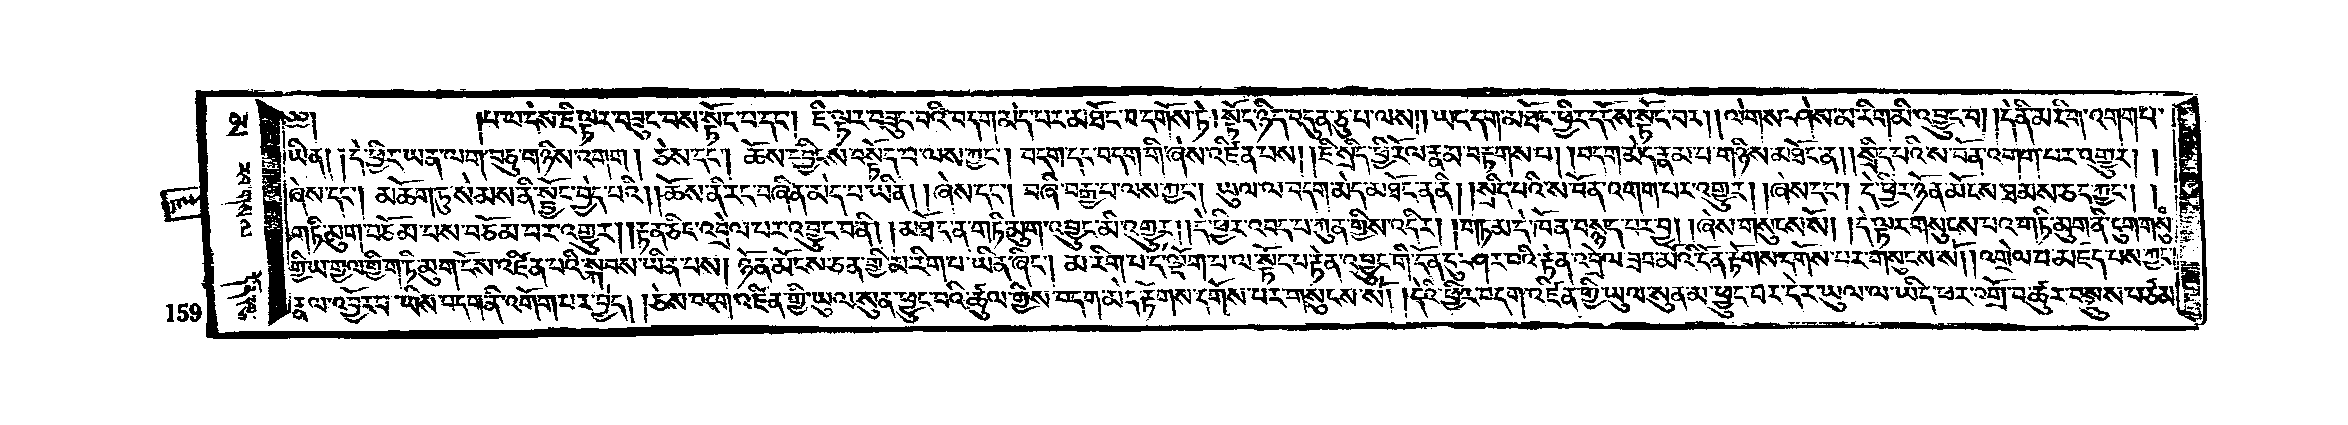༄༅། །པ་ལ་དེས་ཇི་ལྟར་བཟུང་བས་སྟོང་པ་དང་། ཇི་ལྟར་བཟུང་བའི་བདག་མེད་པར་མཐོང་བ་དགོས་ཏེ། སྟེང་ཉིད་བདུན་ཅུ་པ་ལས། །ཡང་དག་མཐོང་ཕྱིར་དངོས་སྟོང་བར། །ལེགས་ཤེས་མ་རིག་མི་འབྱུང་བ། །དེ་ནི་མ་རིག་འགག་པ་
ཡིན། །དེ་ཕྱིར་ཡན་ལག་བཅུ་གཉིས་འགག །ཅེས་དང་། ཆོས་དབྱིངས་བསྟོད་པ་ལས་ཀྱང་། བདག་དང་བདག་གི་ཞེས་འཛིན་པས། །ཇི་སྲིད་ཕྱི་རོལ་རྣམ་བརྟགས་པ། །བདག་མེད་རྣམ་པ་གཉིས་མཐོང་ན། །སྲིད་པའི་ས་བོན་འགག་པར་འགྱུར། །
ཞེས་དང་། མཆོག་ཏུ་སེམས་ནི་སྦྱོང་བྱེད་པའི། །ཆོས་ནི་རང་བཞིན་མེད་པ་ཡིན། །ཞེས་དང་། བཞི་བརྒྱ་པ་ལས་ཀྱང་། ཡུལ་ལ་བདག་མེད་མཐོང་ན་ནི། །སྲིད་པའི་ས་བོན་འགག་པར་འགྱུར། །ཞེས་དང་། དེ་ཕྱིར་ཉོན་མོངས་ཐམས་ཅད་ཀྱང་། །
གཏི་མུག་བཅོམ་པས་བཅོམ་པར་འགྱུར། །རྟེན་ཅིང་འབྲེལ་པར་འབྱུང་བ་ནི། །མཐོང་ན་གཏི་མུག་འབྱུང་མི་འགྱུར། །དེ་ཕྱིར་འབད་པ་ཀུན་གྱིས་འདིར། །གཏམ་དེ་ཁོ་ན་བསྙད་པར་བྱ། །ཞེས་གསུངས་སོ། །དེ་ལྟར་གསུངས་པའི་གཏི་མུག་ནི་དུག་གསུམ་
གྱི་ཡ་གྱལ་གྱི་གཏི་མུག་ངོས་འཛིན་པའི་སྐབས་ཡིན་པས། ཉོན་མོངས་ཅན་གྱི་མ་རིག་པ་ཡིན་ཞིང་། མ་རིག་པ་དེ་ལྡོག་པ་ལ་སྟོང་པ་རྟེན་འབྱུང་གི་དོན་དུ་ཤར་བའི་རྟེན་འབྲེལ་ཟབ་མའི་དོན་རྟོགས་དགོས་པར་གསུངས་སོ། །འགྲེལ་པ་མཛད་པས་ཀྱང་
རྣལ་འབྱོར་པ་ཡིས་བདག་ནི་འགོག་པར་བྱེད། །ཅེས་བདག་འཛིན་གྱི་ཡུལ་སུན་ཕྱུང་བའི་ཚུལ་གྱིས་བདག་མེད་རྟོགས་དགོས་པར་གསུངས་སོ། །དེའི་ཕྱིར་བདག་འཛིན་གྱི་ཡུལ་སུན་མ་ཕྱུང་བར་དེར་ཡུལ་ལ་ཡིད་ཕར་འགྲོ་བ་ཚུར་བསྡུས་པ་ཙམ་